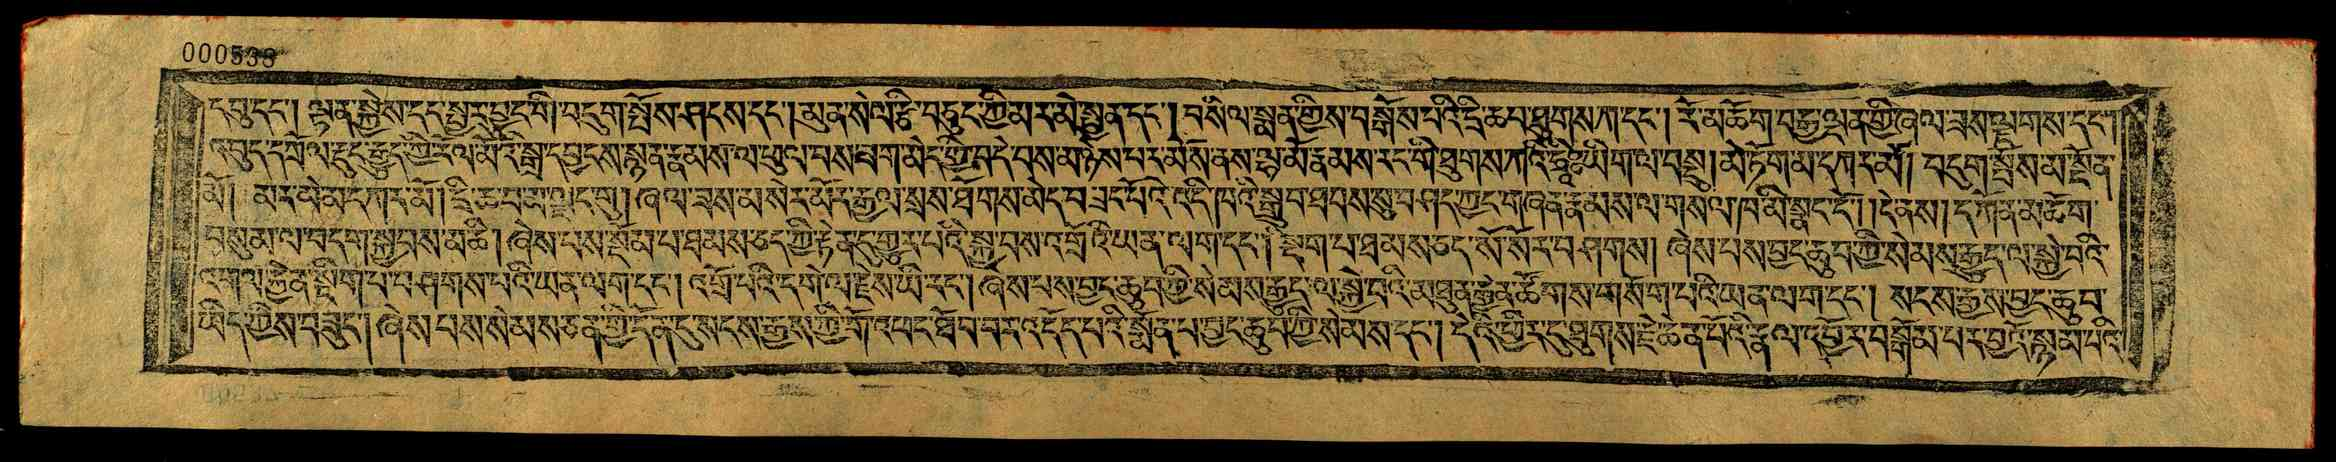དབུ་དང་། ལྷན་སྐྱེས་དང་སྦྱར་བྱུང་གི་བདུག་སྤོས་ཤངས་དང་། མུན་སེལ་རྩི་བཅུད་ཀྱི་མར་མེ་སྤྱན་དང་། བསིལ་སྨན་གྱིས་བསྒོས་པའི་དྲི་ཆབ་ཐུགས་ཀ་དང་། རོ་མཆོག་བརྒྱ་ལྡན་གྱི་ཞལ་ཟས་ལྗགས་དང།།
འབུད་དཀྲོལ་རྡུང་རྒྱུད་ཀྱི་རོལ་མོའི་སྒྲ་དབྱངས་སྙན་རྣམས་ལ་ཕུལ་བས་ཟག་མེད་ཀྱི་བདེ་བས་མཉེས་པར་མོས་ནས་ལྷ་མོ་རྣམས་རང་གི་ཐུགས་ཀའི་ཧྲཱིཿ ཡིག་ལ་བསྡུ། མེ་ཏོག་མ་དཀར་མོ། བདུག་སྤོས་མ་སྔོན་
མོ༑ མར་མེ་མ་དཀར་མོ། དྲི་ཆབ་མ་ལྗང་གུ། ཞལ་ཟས་མ་སེར་མོར་རྒྱལ་སྲས་ཐོགས་མེད་བཟང་པོའི་འདི་ཁའི་སྒྲུབ་ཐབས་སུ་བཤད་ཀྱང་གཞན་རྣམས་ལ་གསལ་ཁ་མི་སྣང་ངོ། །དེ་ནས། དཀོན་མཆོག་
གསུམ་ལ་བདག་སྐྱབས་མཆི། ཞེས་པས་སྡོམ་པ་ཐམས་ཅད་ཀྱི་རྟེན་དུ་གྱུར་པའི་སྐྱབས་འགྲོའི་ཡན་ལག་དང་། སྡིག་པ་ཐམས་ཅད་སོ་སོར་བཤགས། ཞེས་པས་བྱང་ཆུབ་ཀྱི་སེམས་རྒྱུད་ལ་སྐྱེ་བའི་
འགལ་རྐྱེན་སྡིག་པ་བཤགས་པའི་ཡན་ལག་དང་། འགྲོ་བའི་དགེ་ལ་རྗེས་ཡི་རང་། ཞེས་པས་བྱང་ཆུབ་ཀྱི་སེམས་རྒྱུད་ལ་སྐྱེ་བའི་མཐུན་རྐྱེན་ཚོགས་གསོག་པའི་ཡན་ལག་དང་། སངས་རྒྱས་བྱང་ཆུབ་
ཡིད་ཀྱིས་བཟུང་། ཞེས་པས་སེམས་ཅན་གྱི་དོན་དུ་སངས་རྒྱས་ཀྱི་གོ་འཕང་ཐོབ་པར་འདོད་པའི་སྨོན་པ་བྱང་ཆུབ་ཀྱི་སེམས་དང་། དེའི་ཕྱིར་དུ་ཐུགས་རྗེ་ཆེན་པོའི་རྣལ་འབྱོར་བསྒོམ་པར་བྱའོ་སྙམ་པའི་